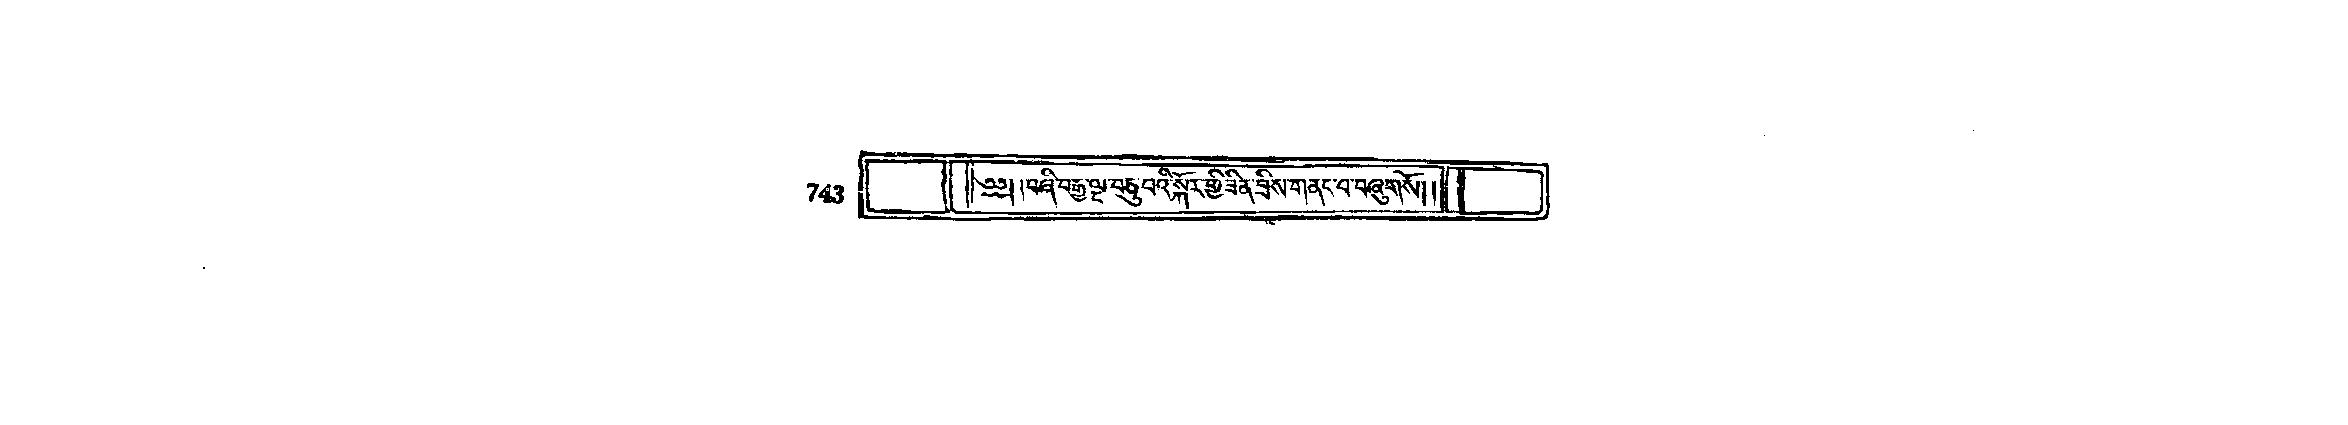༄༅། །བཞི་བརྒྱ་ལྔ་བཅུ་པའི་སྐོར་གྱི་ཟིན་བྲིས་གནང་བ་བཞུགས་སོ། །